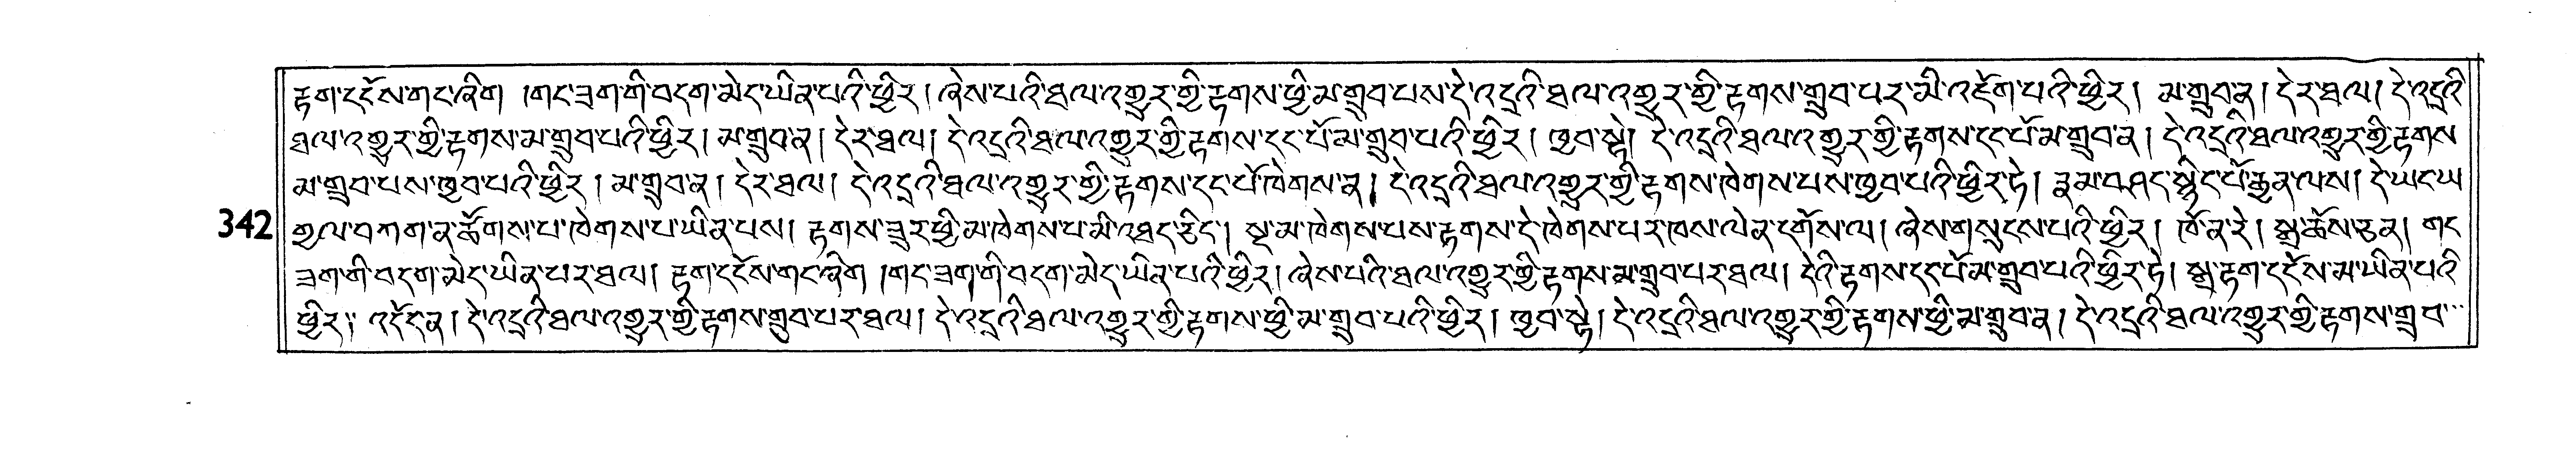རྟག་དངོས་གང་ཞིག །གང་ཟག་གི་བདག་མེད་ཡིན་པའི་ཕྱིར། ཞེས་པའི་ཐལ་འགྱུར་གྱི་རྟགས་ཕྱི་མ་གྲུབ་པས་དེ་འདྲའི་ཐལ་འགྱུར་གྱི་རྟགས་གྲུབ་པར་མི་འཇོག་པའི་ཕྱིར། མ་གྲུབ་ན། དེར་ཐལ། དེ་འདྲའི་
ཐལ་འགྱུར་གྱི་རྟགས་མ་གྲུབ་པའི་ཕྱིར། མ་གྲུབ་ན། དེར་ཐལ། དེ་འདྲའི་ཐལ་འགྱུར་གྱི་རྟགས་དང་པོ་མ་གྲུབ་པའི་ཕྱིར། ཁྱབ་སྟེ། དེ་འདྲའི་ཐལ་འགྱུར་གྱི་རྟགས་དང་པོ་མ་གྲུབ་ན། དེ་འདྲའི་ཐལ་འགྱུར་གྱི་རྟགས་
མ་གྲུབ་པས་ཁྱབ་པའི་ཕྱིར། མ་གྲུབ་ན། དེར་ཐལ། དེ་འདྲའི་ཐལ་འགྱུར་གྱི་རྟགས་དང་པོ་ཁེགས་ན། དེ་འདྲའི་ཐལ་འགྱུར་གྱི་རྟགས་ཁེགས་པས་ཁྱབ་པའི་ཕྱིར་ཏེ། རྣམ་བཤད་སྙིང་པོ་རྒྱན་ལས། དེ་ཡང་ཡ་
གྱལ་བཀག་ན་ཚོགས་པ་ཁེགས་པ་ཡིན་པས། རྟགས་ཟུར་ཕྱི་མ་ཁེགས་པ་མི་འཐད་ཅིང་། སྔ་མ་ཁེགས་པས་རྟགས་དེ་ཁེགས་པར་ཁས་ལེན་དགོས་ལ། ཞེས་གསུངས་པའི་ཕྱིར། ཁོ་ན་རེ། སྒྲ་ཆོས་ཅན། གང་
ཟག་གི་བདག་མེད་ཡིན་པར་ཐལ། རྟག་དངོས་གང་ཞིག །གང་ཟག་གི་བདག་མེད་ཡིན་པའི་ཕྱིར། ཞེས་པའི་ཐལ་འགྱུར་གྱི་རྟགས་མ་གྲུབ་པར་ཐལ། དེའི་རྟགས་དང་པོ་མ་གྲུབ་པའི་ཕྱིར་ཏེ། སྒྲ་རྟག་དངོས་མ་ཡིན་པའི་
ཕྱིར༑ འདོད་ན། དེ་འདྲའི་ཐལ་འགྱུར་གྱི་རྟགས་གྲུབ་པར་ཐལ། དེ་འདྲའི་ཐལ་འགྱུར་གྱི་རྟགས་ཕྱི་མ་གྲུབ་པའི་ཕྱིར། ཁྱབ་སྟེ། དེ་འདྲའི་ཐལ་འགྱུར་གྱི་རྟགས་ཕྱི་མ་གྲུབ་ན། དེ་འདྲའི་ཐལ་འགྱུར་གྱི་རྟགས་གྲུབ་